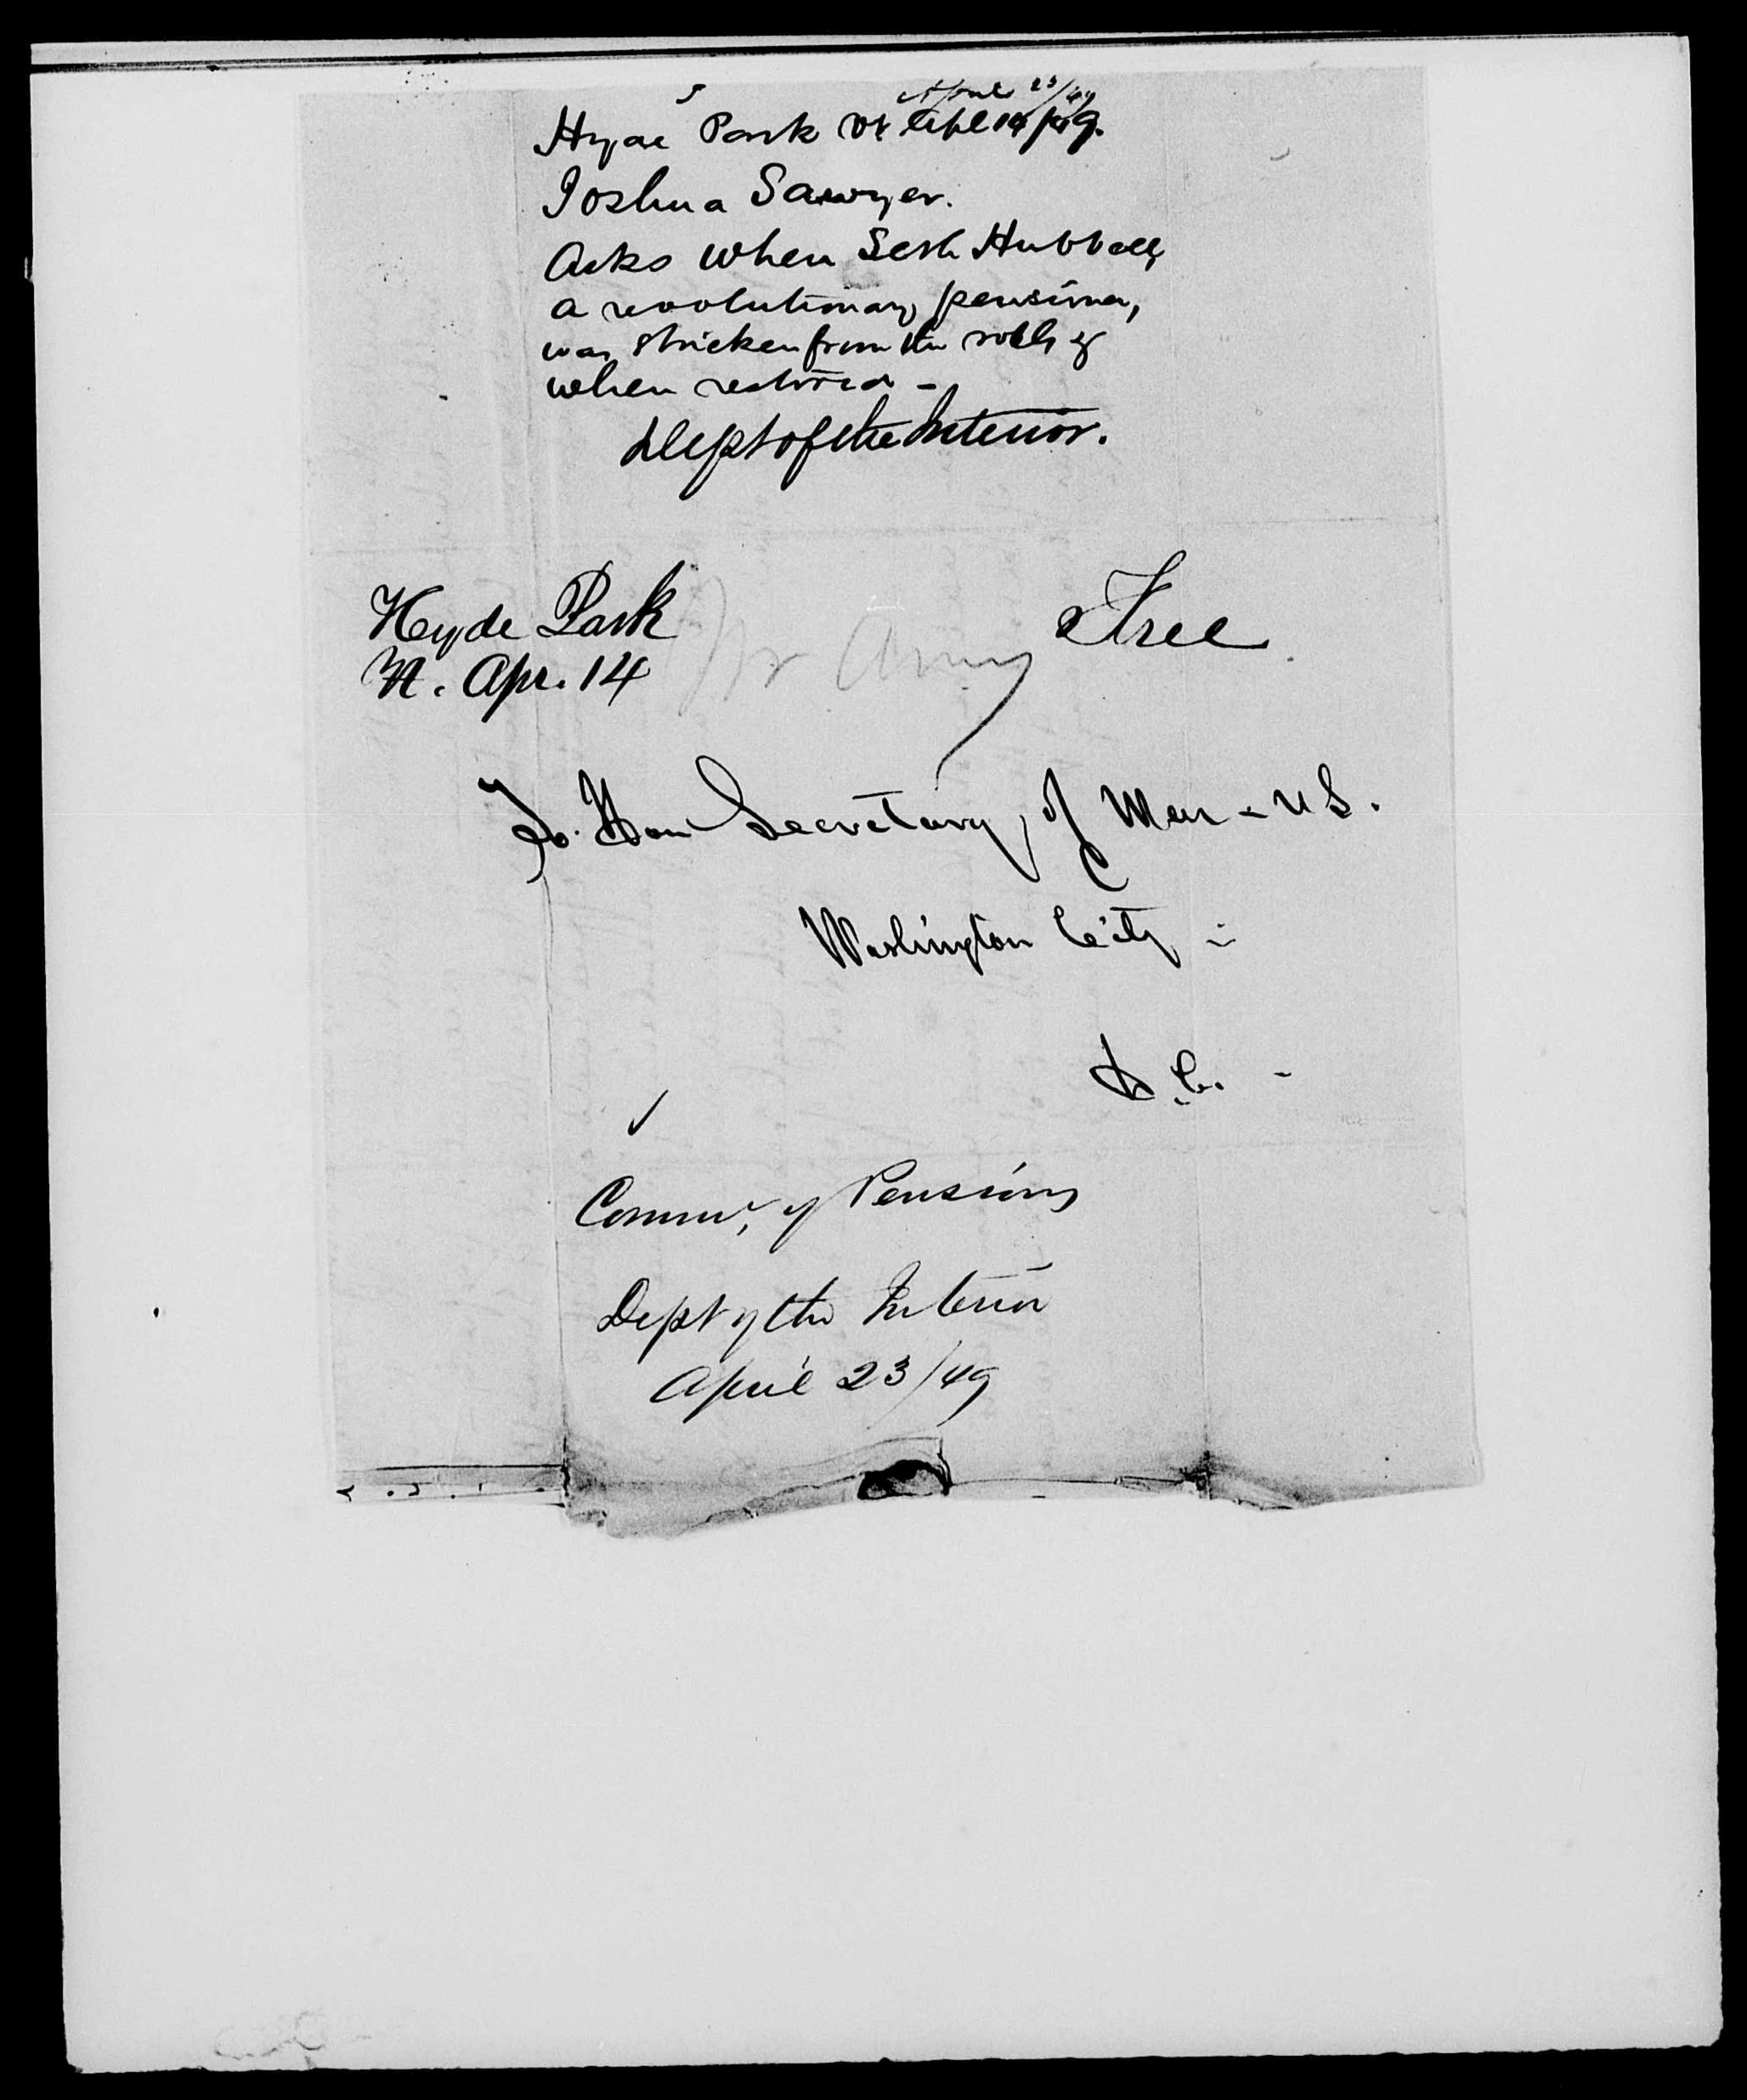Hyde Park on Apl 19/49
Joshua Sawyer
Asks when Seth Hubbell, a revolutionary pensioner, was stricken from the rolls & when returned.
Dept of the Interior.
Hyde Park       Free
A. Apr 14

To. Hon Secretary of War US.
Washington City    
D.C
Comm of Pensions
Dept of the Interior
April 23/49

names: Seth Hubbell, Joshua Sawyer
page: 67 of 114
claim: widow's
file: W. 2115, Seth Hubbell, Conn.